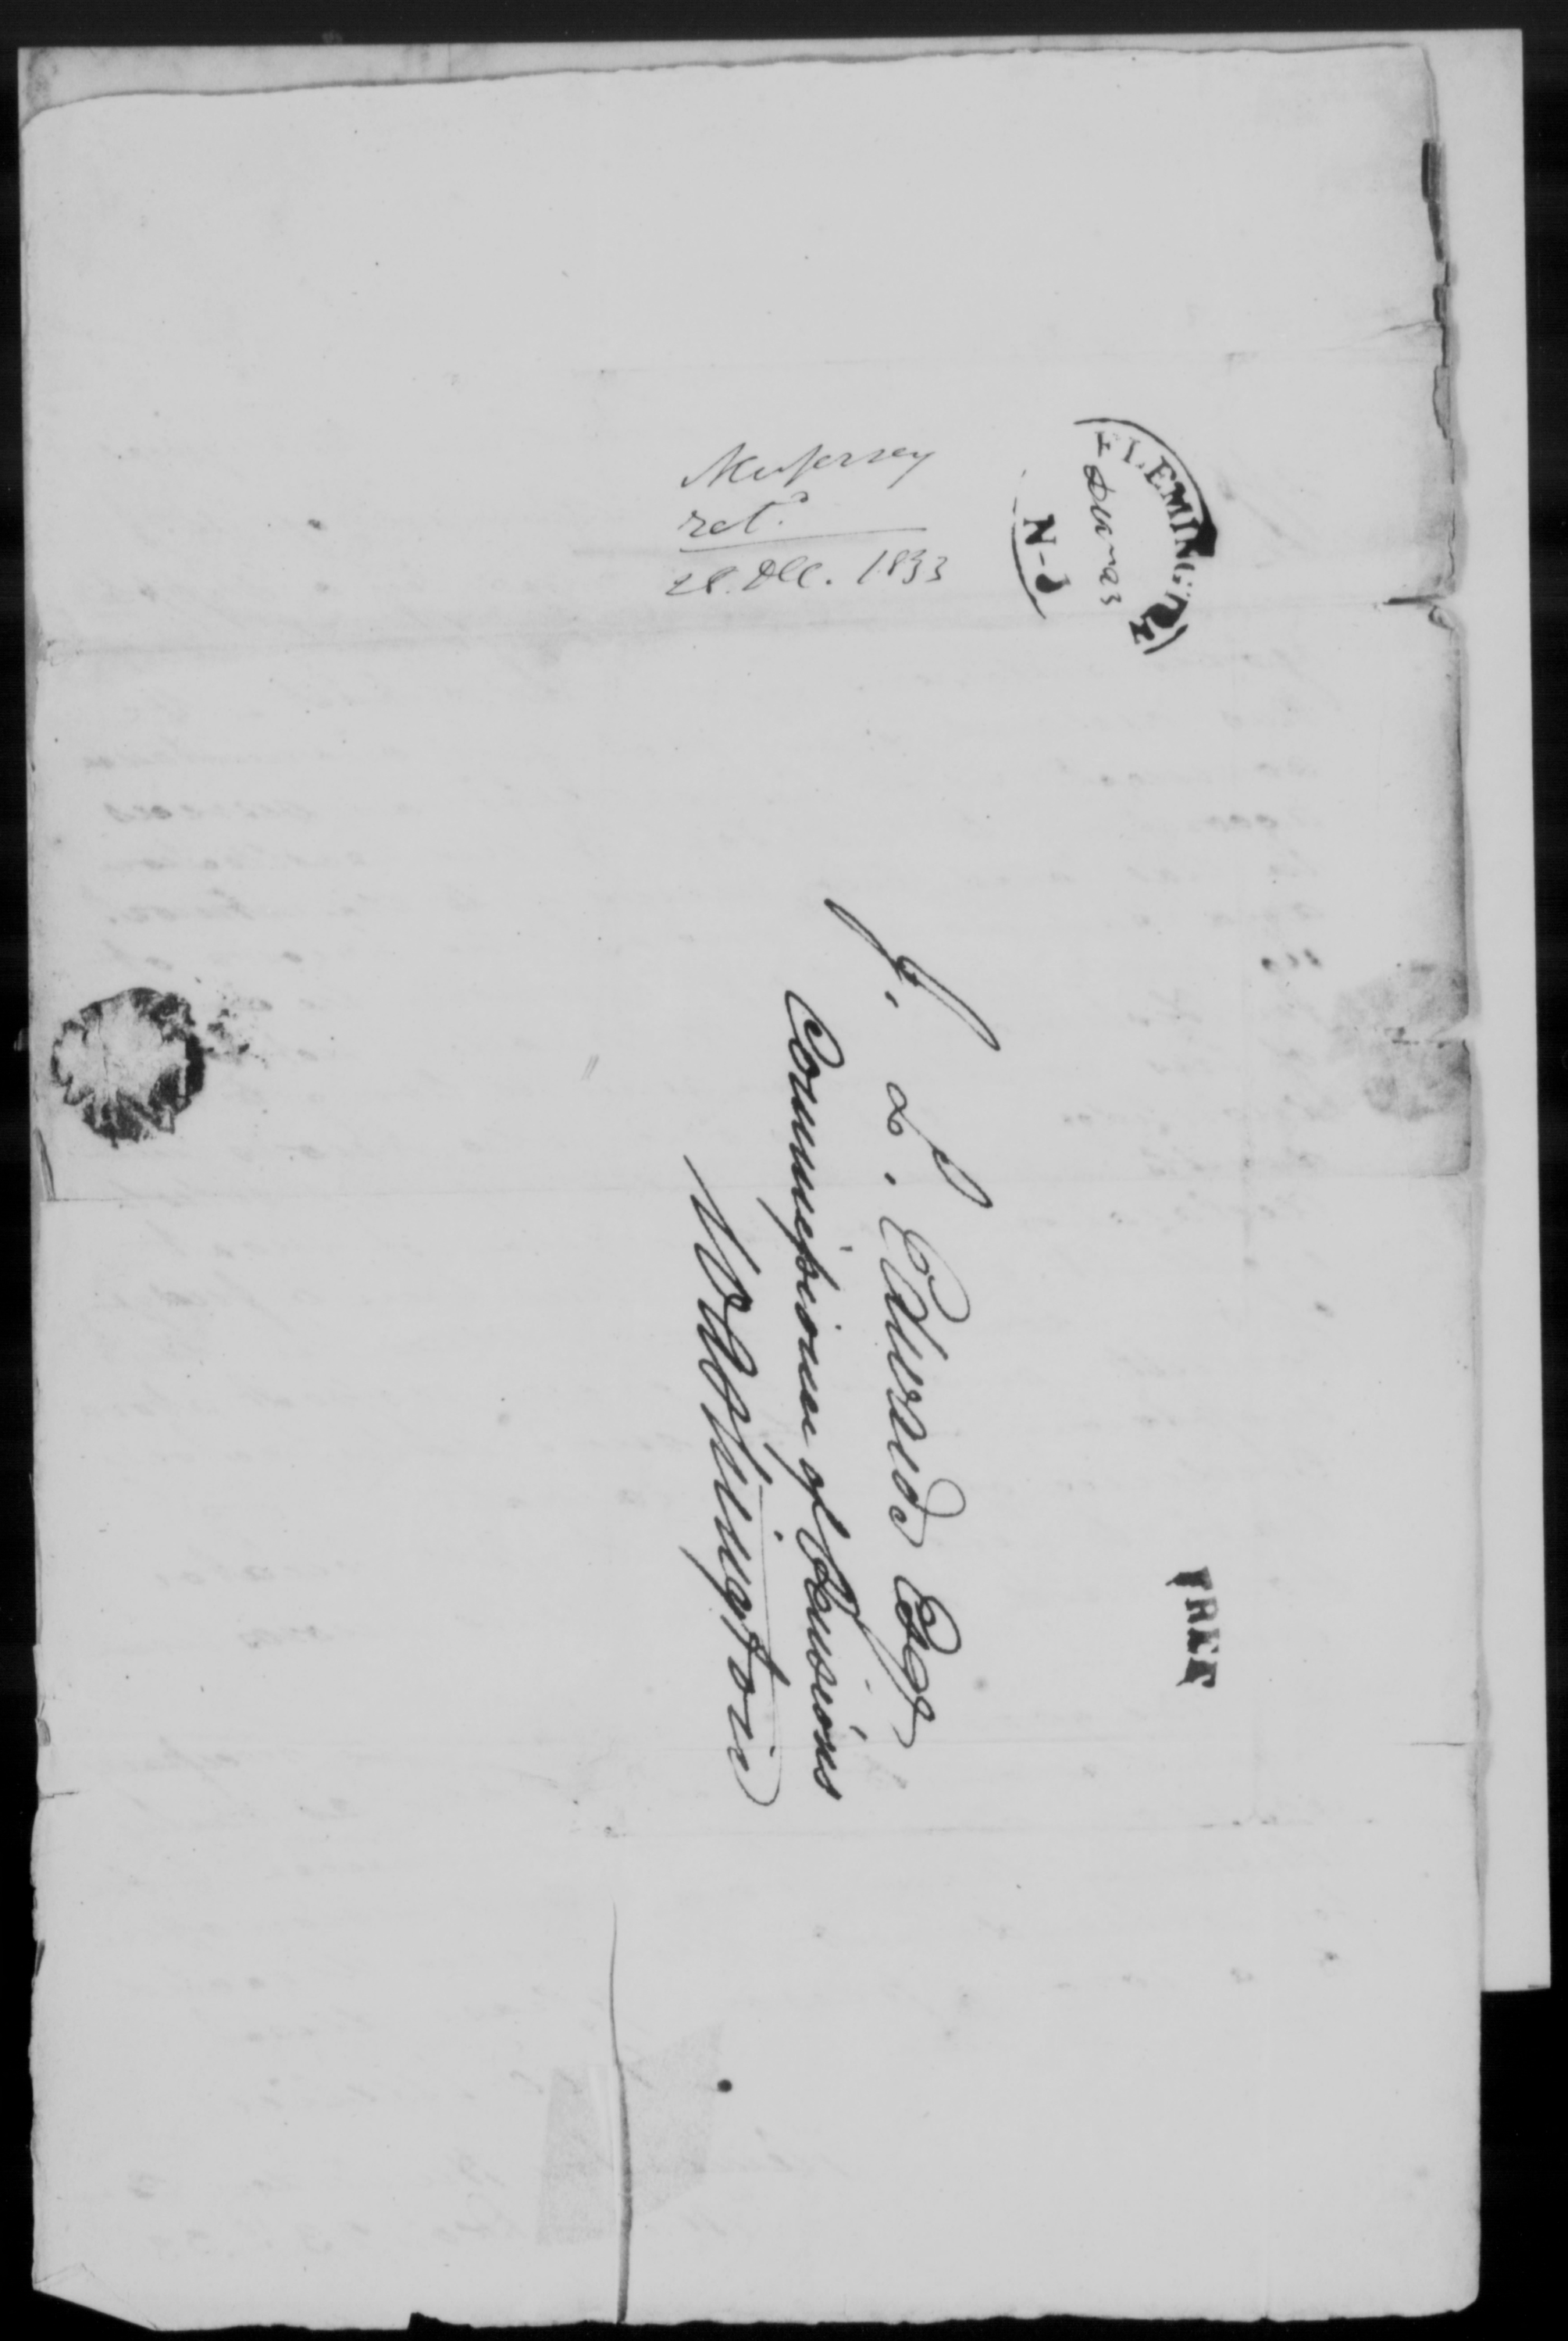FREE

J.L. Edwards, Esq.
Commissioner of Pensions
Washington

New Jersey
rec(turned) 28 Dec. 1833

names: J L Edwards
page: 50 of 67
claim: widow's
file: W. 2393, Jacob Williamson, New Jersey